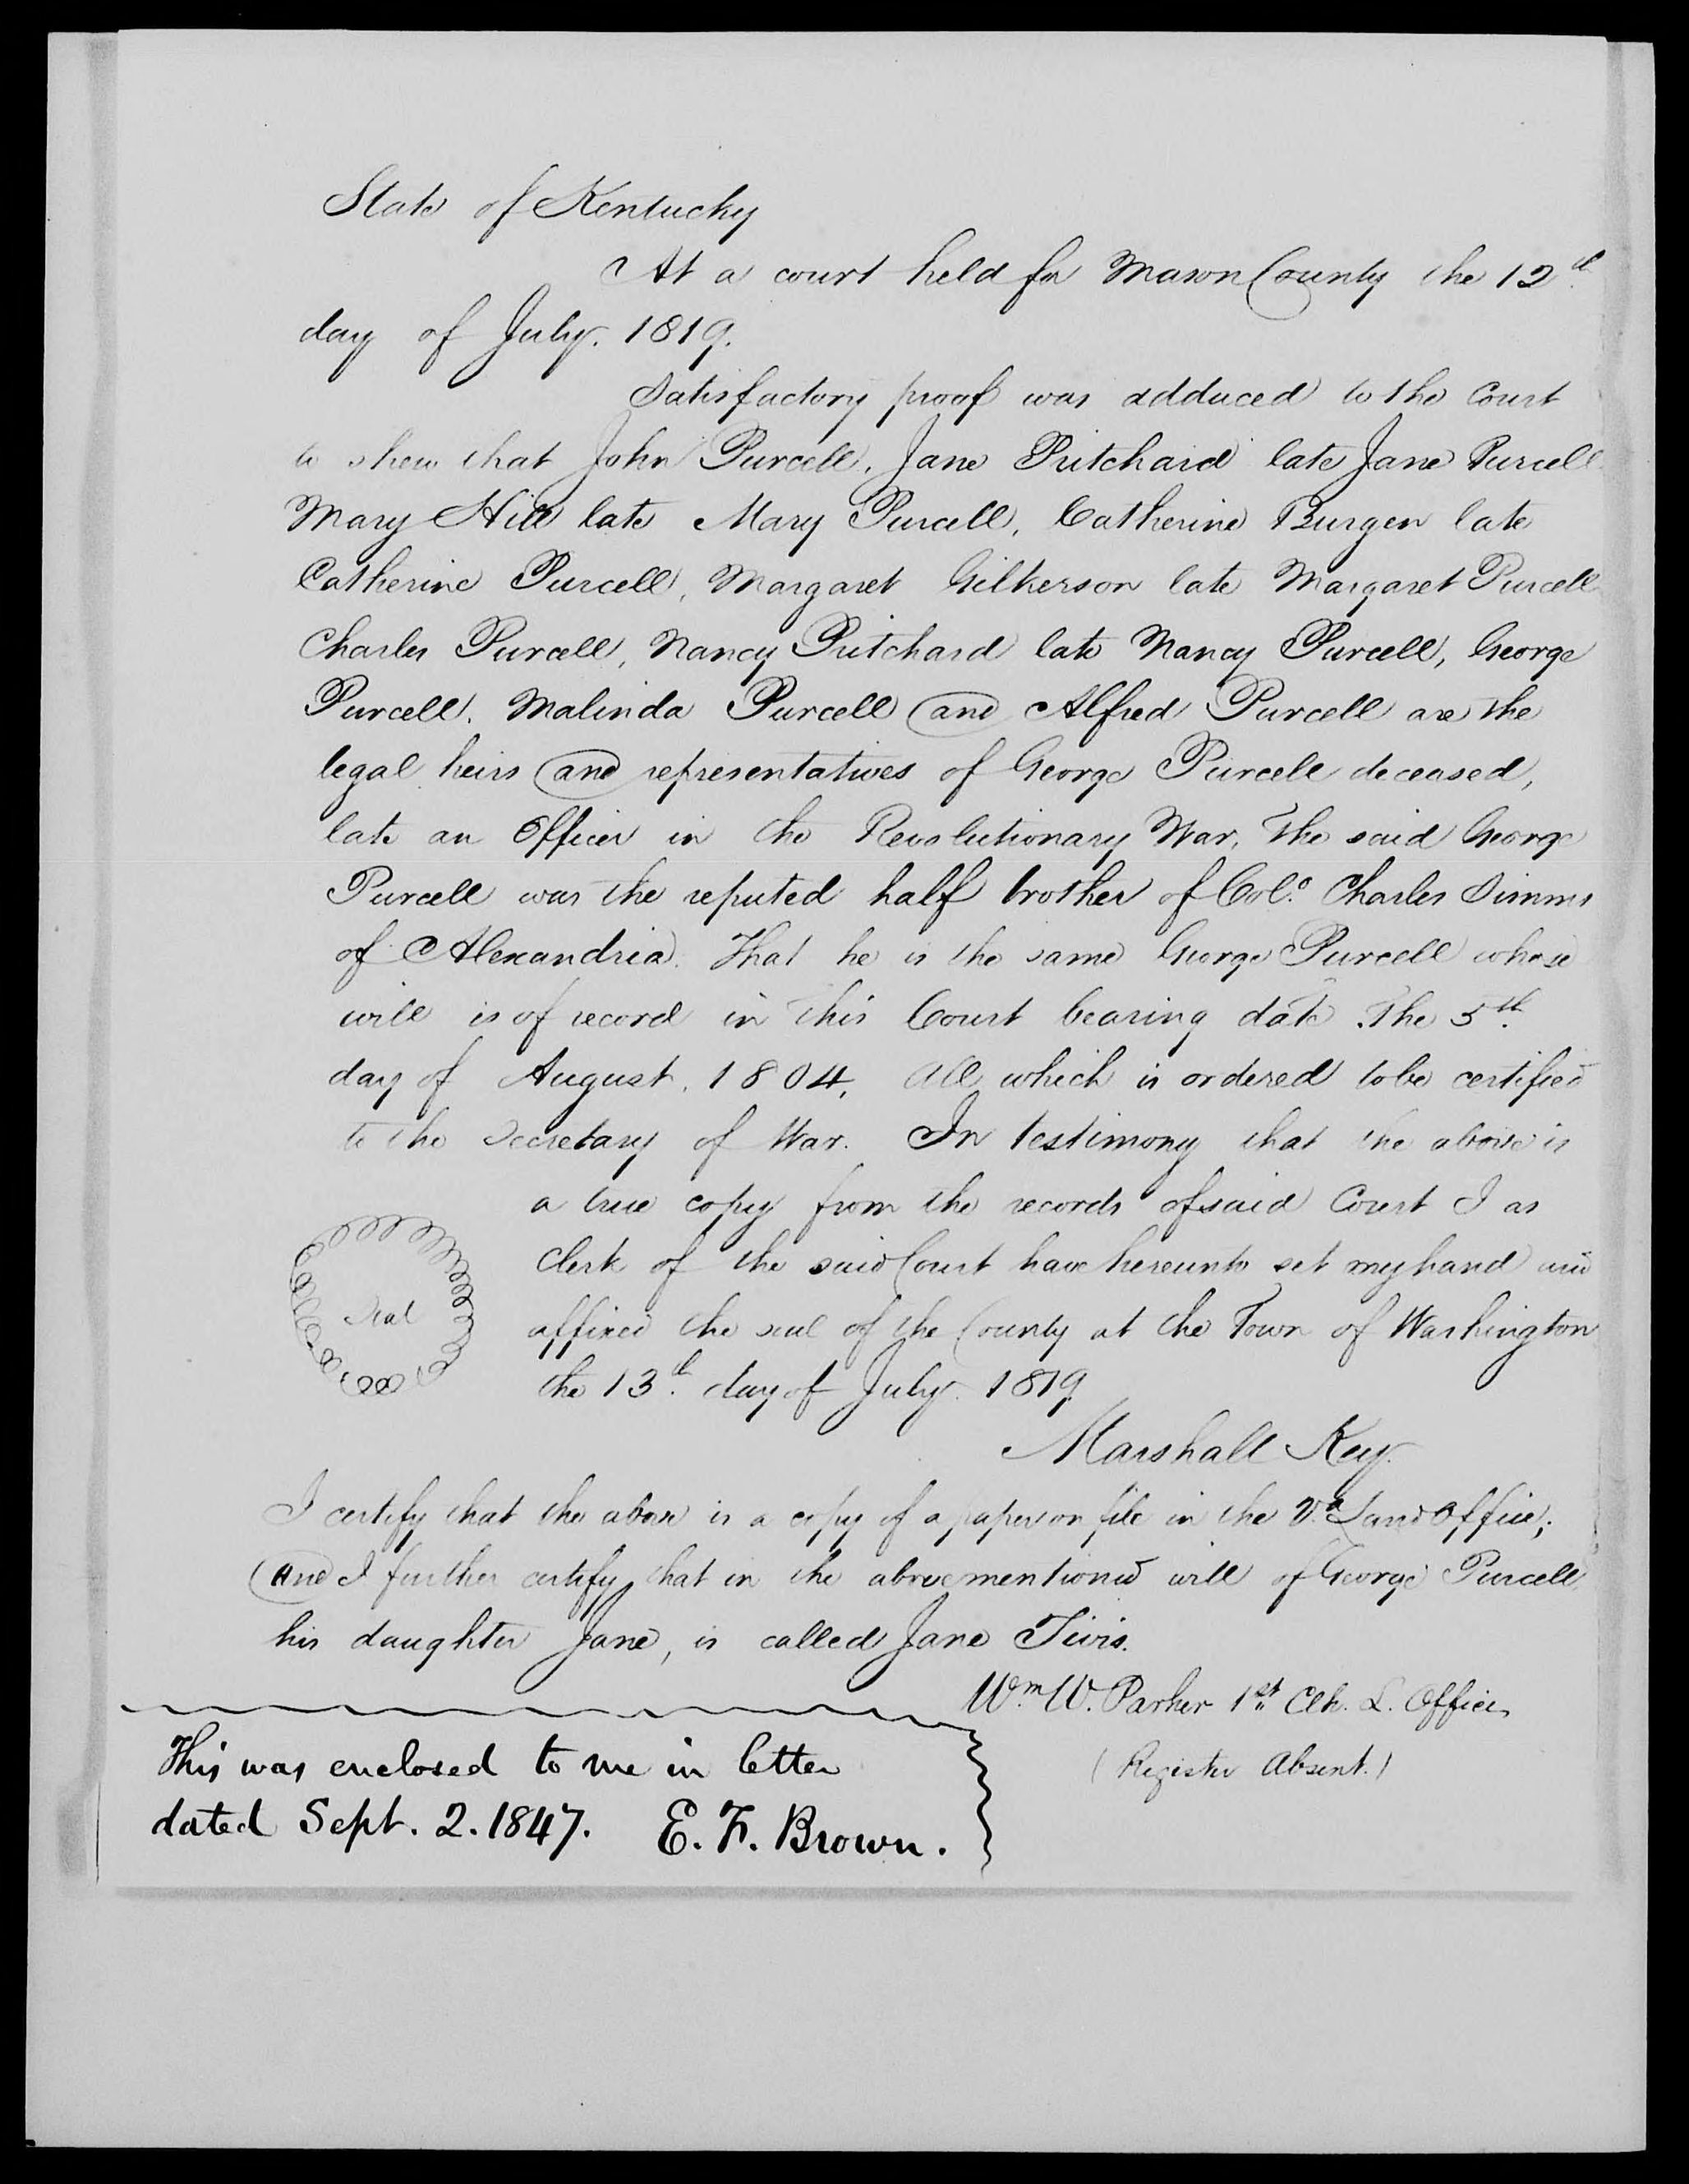State of Kentucky
At a court held for Mason County the 12th
day of July, 1819.
Satisfactory proof was adduced to the Court
to show that John Purcell, Jane Pritchard late Jane Purcell Mary Hill late Mary Purcell, Catherine Burger late Catherine Purcell, Margaret Gilkerson late Margaret Purcell Charles Purcell, Nancy Pritchard late Nancy Purcell, George Purcell, Malinda Purcell and Alfred Purcell are the legal heirs and representatives of George Purcell deceased, late an Officer in the Revolutionary War, The said George Purcell was the reputed half brother of Colo. Charles Dimms of Alexandria. That he is the same George Purcell whose will is of record in this Court bearing date the 5th day of August 1804, All which is ordered to be certified to the Secretary of War. In testimony that the above is a true copy from the records of said Court I as Clerk of the said Court have hereunto set my hand and affixed the seal of the County at the Town of Washington the 13th day of July 1819
Marshall Key
I certify that the above is a copy of a paper on file in the Va. Land Office; And I further certify that in the above mentioned will of George Purcell, his daughter Jane, is called Jane Tiers.
Wm. W. Parker 1st Clk. L. Office
(Register Absent.)
This was enclosed to me in letter
dated Sept. 2. 1847. E. F. Brown.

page: 9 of 86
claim: widow's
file: W. 6661, for George Purcell, Virginia